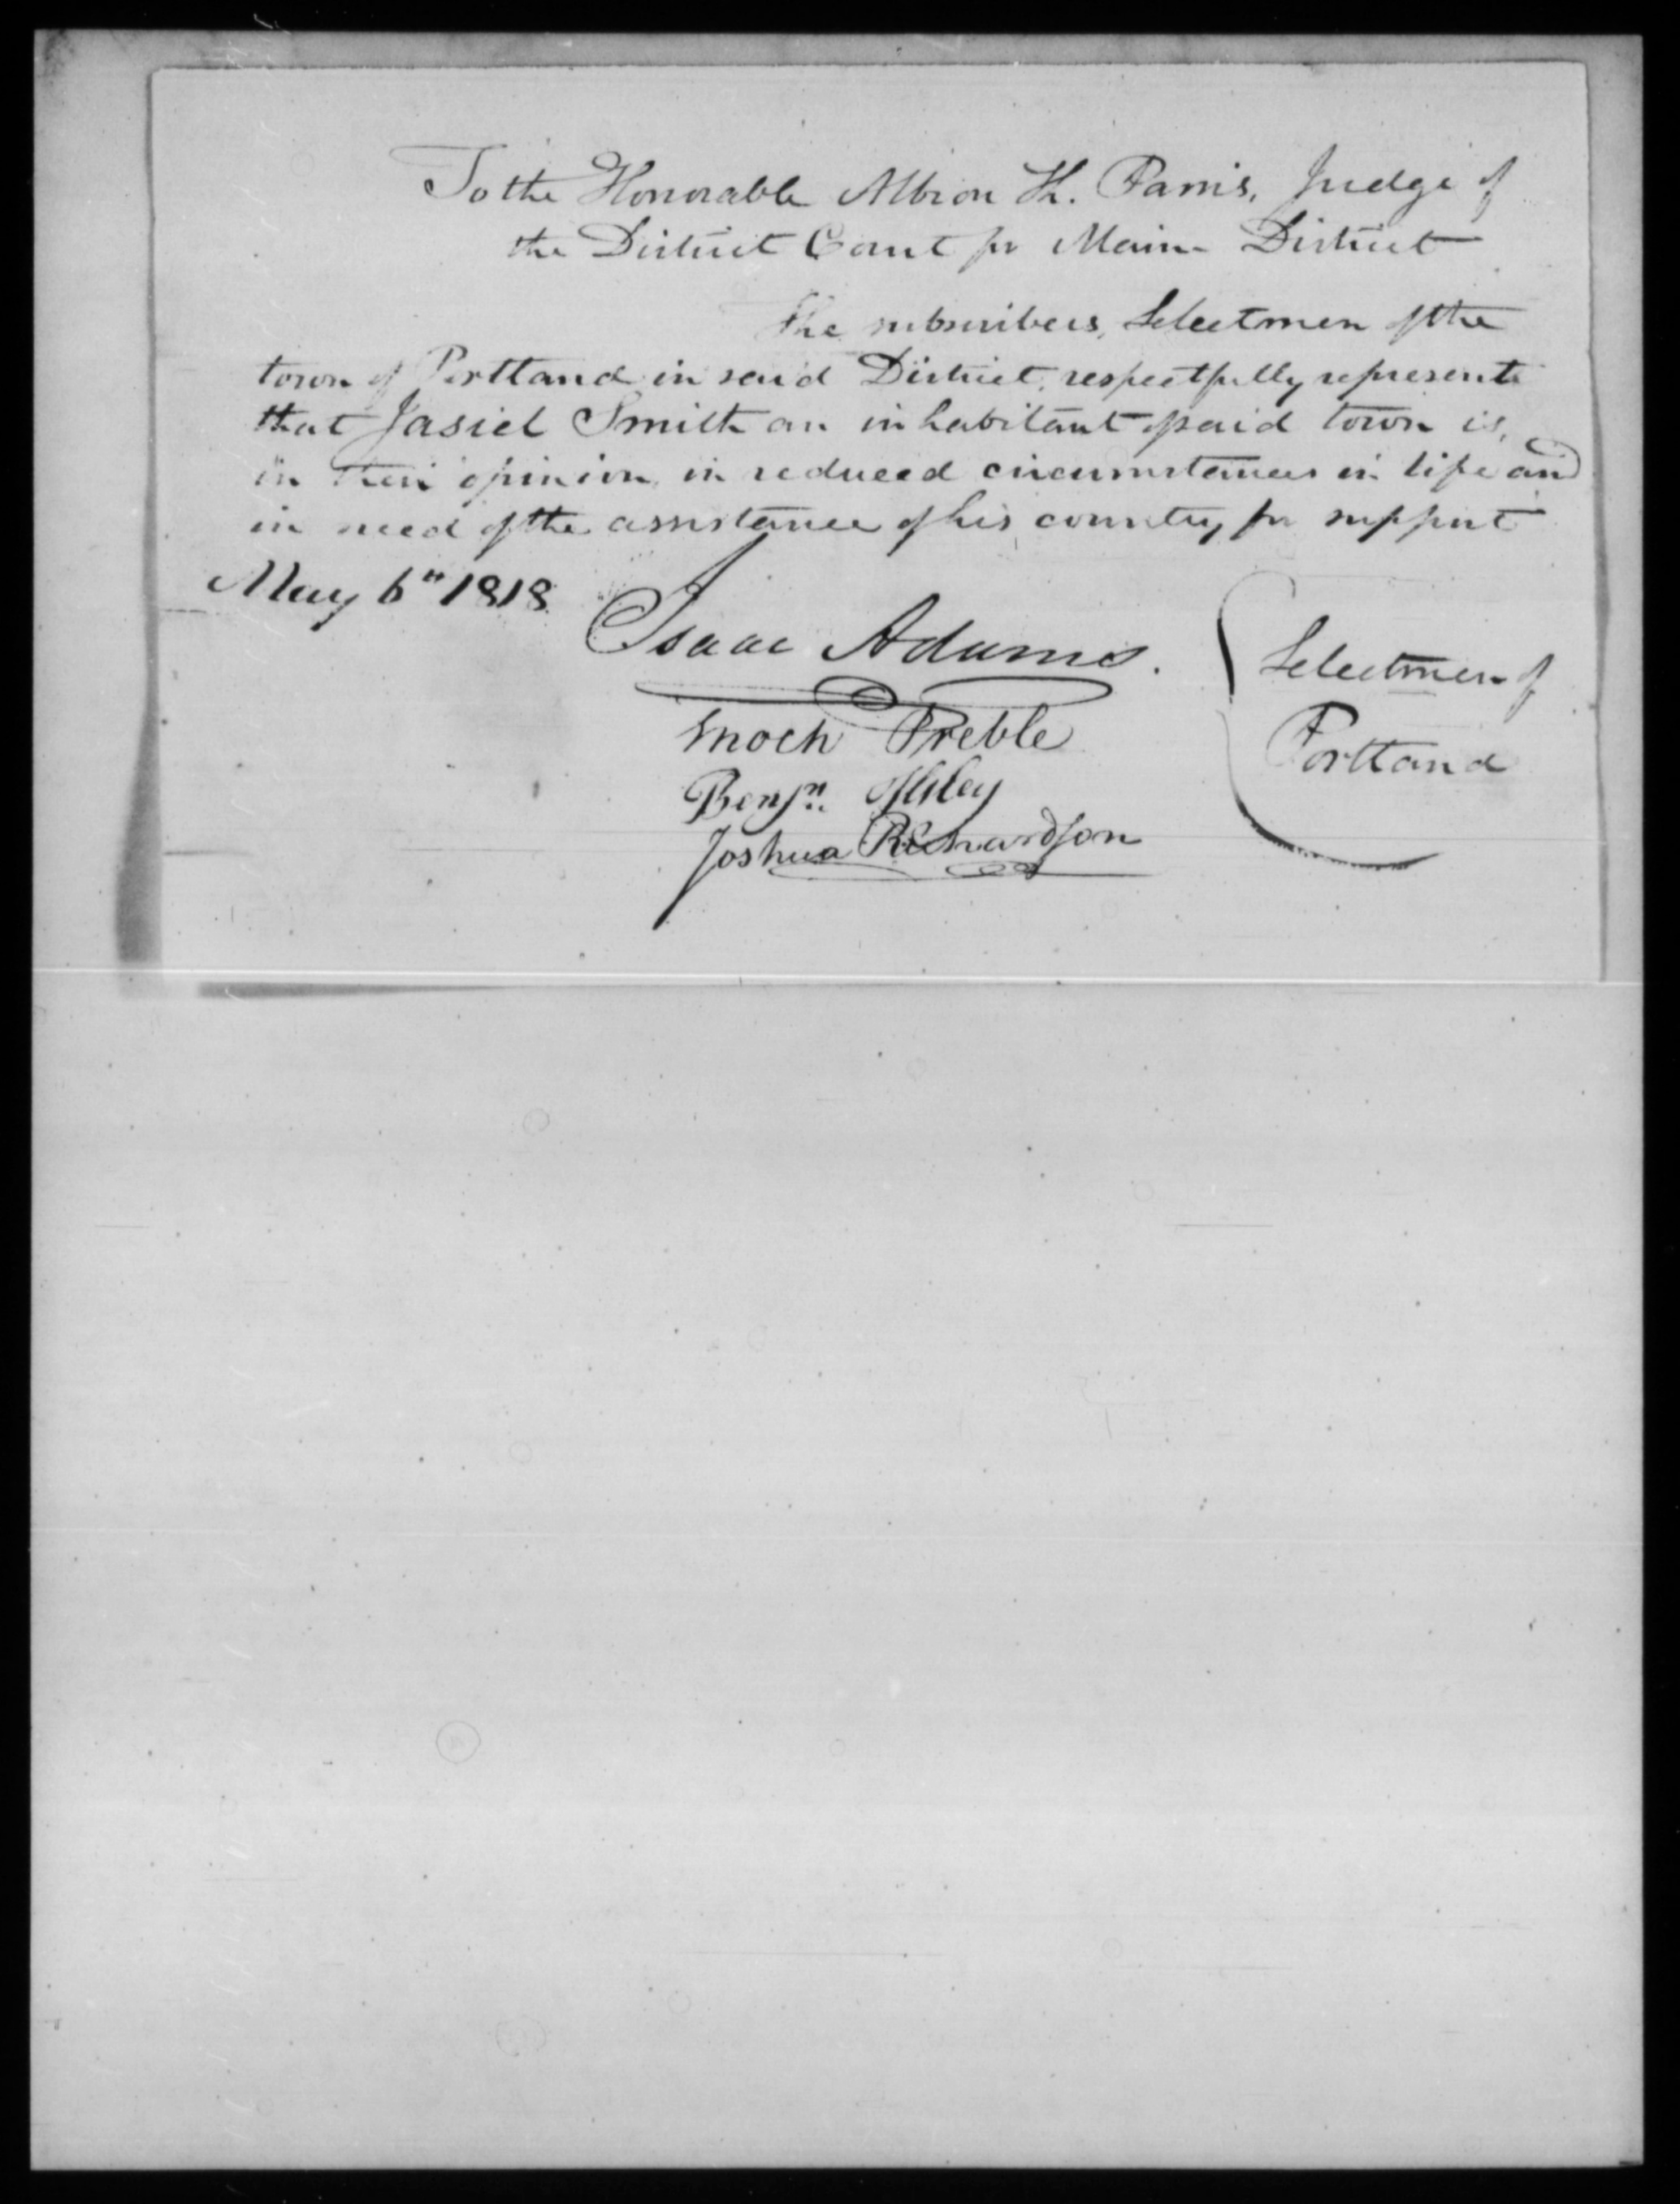To the Honorable Albion K. Parris, Judge of
the District Court for Maine District
The subscribers, Selectmen of the town of
Portland in said District, respectfully represents
Jasiel Smith an inhabitant of said town is,
in their opinion in reduced circumstances in life and
in need of the assistance of his country for support
Selectmen of Portland
Isaac Adams
Inoch Preble
Benjn Riley
Joshua Richardson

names: Joshua Richardson; Benjn Apsley; Isaac Adams; Inoch Preble; Jasiel Smith; Albion K Parris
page: 6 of 20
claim: widow's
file: W 2362, for Jasiel Smith, Massachusetts